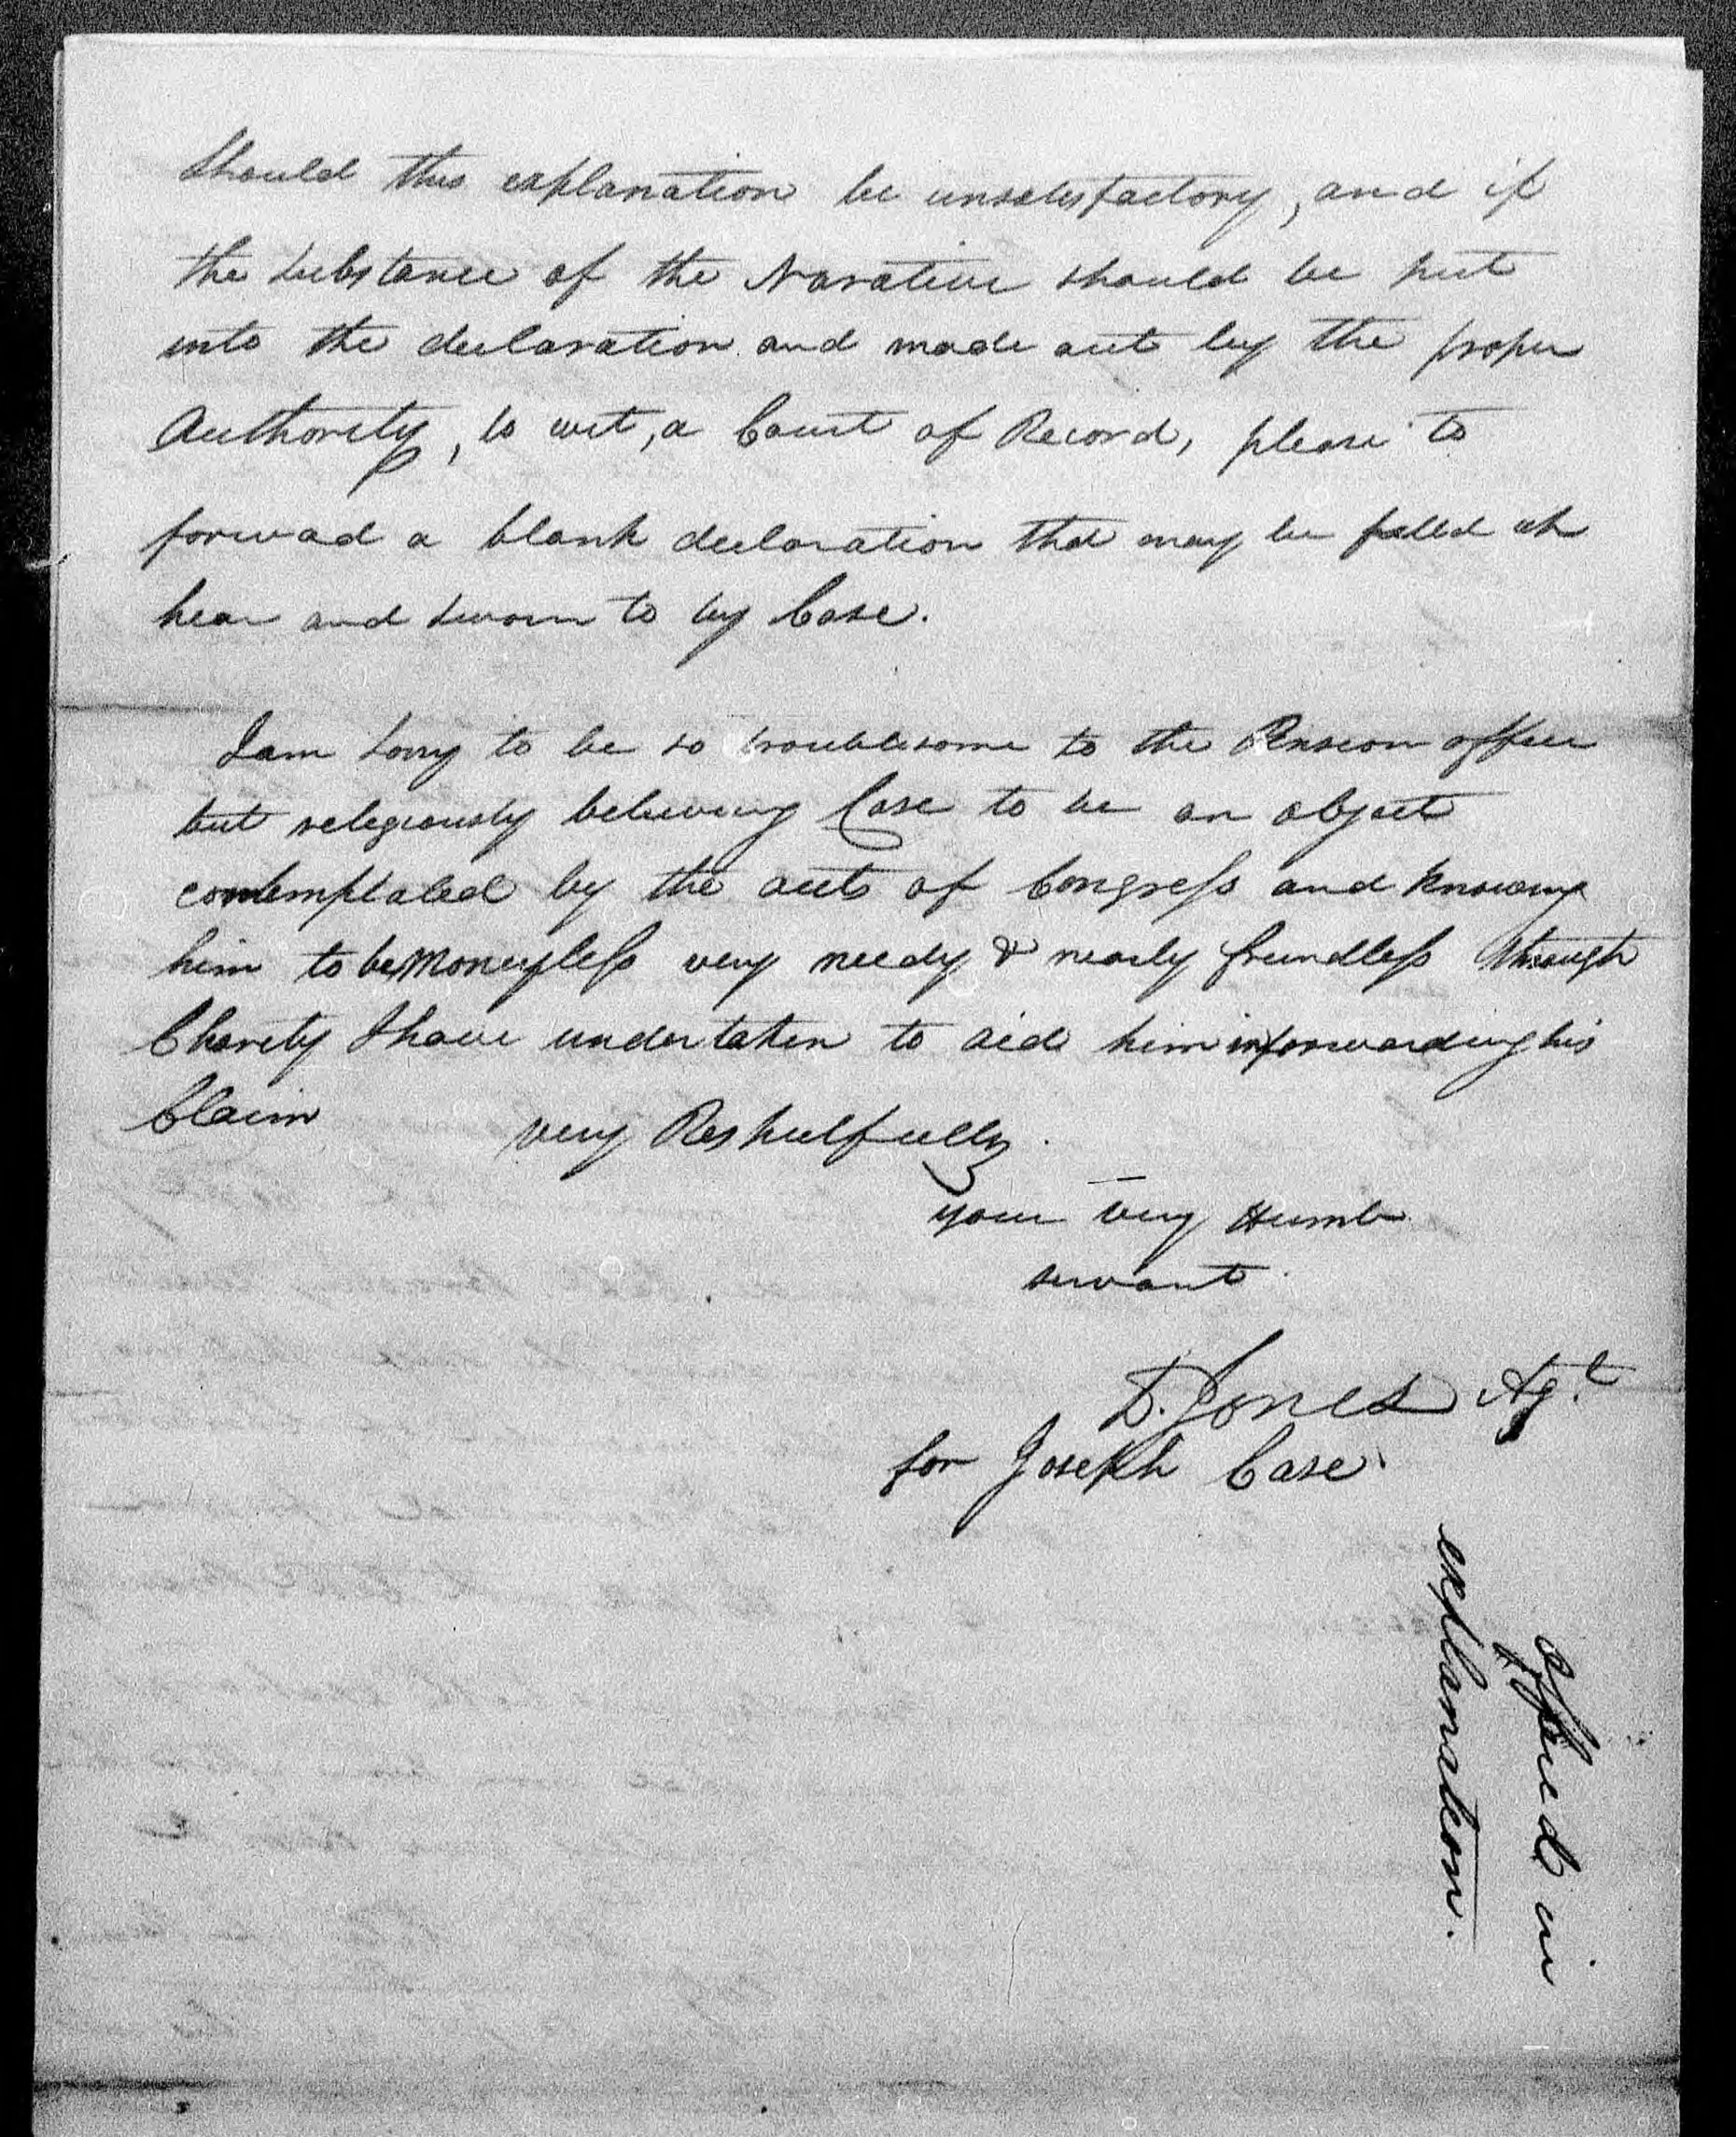Should the explanation be unsatisfactory, and if the substance of the narrative should be put into the declaration and made auto by the proper authority, to wit, a Court of Record, please to forward a blank declaration that may be filled in in here and sworn by Case.

I am sorry to be so troublesome to the Pension officer but religiously believing Base to be an object contemplated by the acts of Congress and knowing him to be very needy and nearly friendless throughout Charity I have undertaken to aid him informing his Claim.

Very respectfully,
Yours very humbly Servant

D. Jones, Atty. for Joseph Case

Office in explanation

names: Joseph Case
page: 16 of 20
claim: survivor's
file: S. 41472, Joseph Case, N.C.